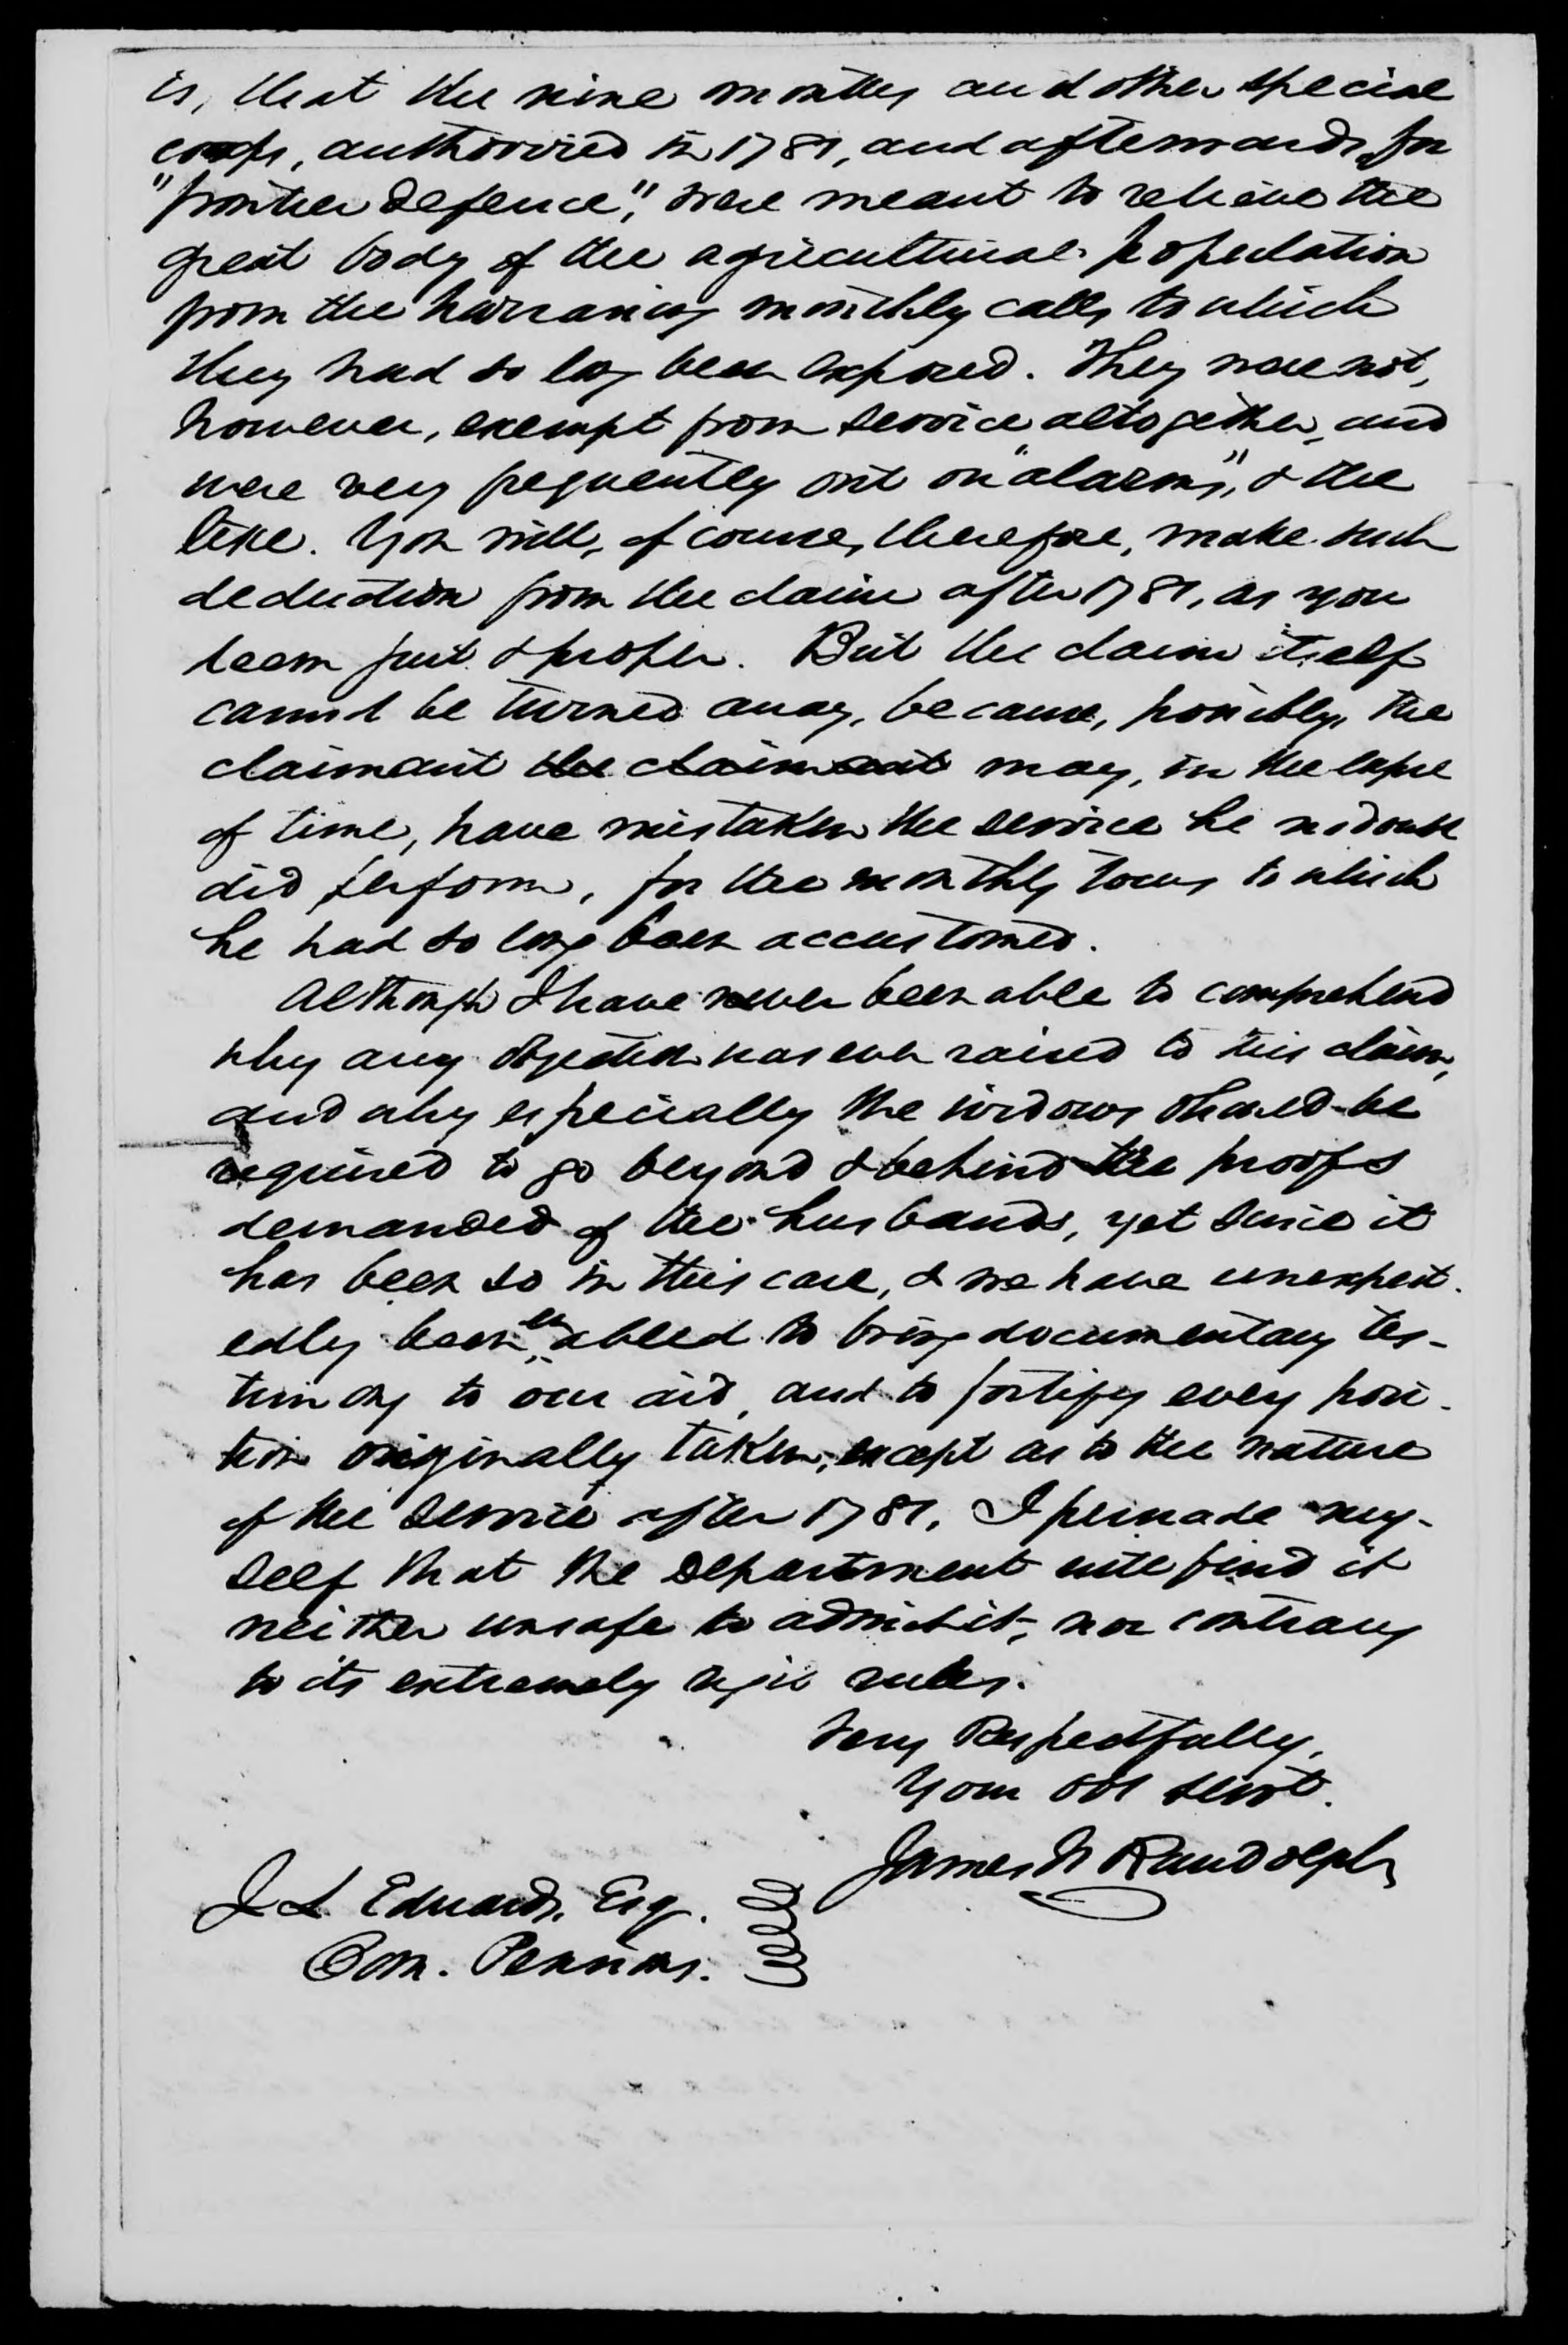is, that the nine months and other special corps. authorized in 1781, and afterwar for "frontier defence," were meant to relieve the great body of the agricultural population from the harrowing monthly calls to which they had so long been exposed. They were not, however, exempt from service altogether, and were very frequently out on "alarms, + the llike. You will, of course, therefore, make such deduction from the claims after 1781, as you deem just + proper.  But the claim itself cannot be turned away, because, possibly, the claimant may, in the lapse of time, have mistaken the service he did perform for the monthly tours to which he had so long been accustomed.
   Although I have never been able to comprehend why any objection was even raised to his claim, and why especially the widows shall be required to go beyond + behind the proofs demanded of the husbands, yet since it has been so in this case, + we have unexpectedly been enabled to bring documentary testimony to our aid, and to fortify every positions originally taken, except as to the nature of the service after 1781, I persuade myself that the department will find it neither unsafe to admit it, nor contrary to its extremely [illeg] rules.
Very Respectfully, Your Obt Servt. James F. Randolph
J. L. Eduards, Esq.}
Comm. Pensions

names: James F Randolph, J L Edwards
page: 59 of 77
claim: widow's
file: W. 417, William De Groot, New Jersey